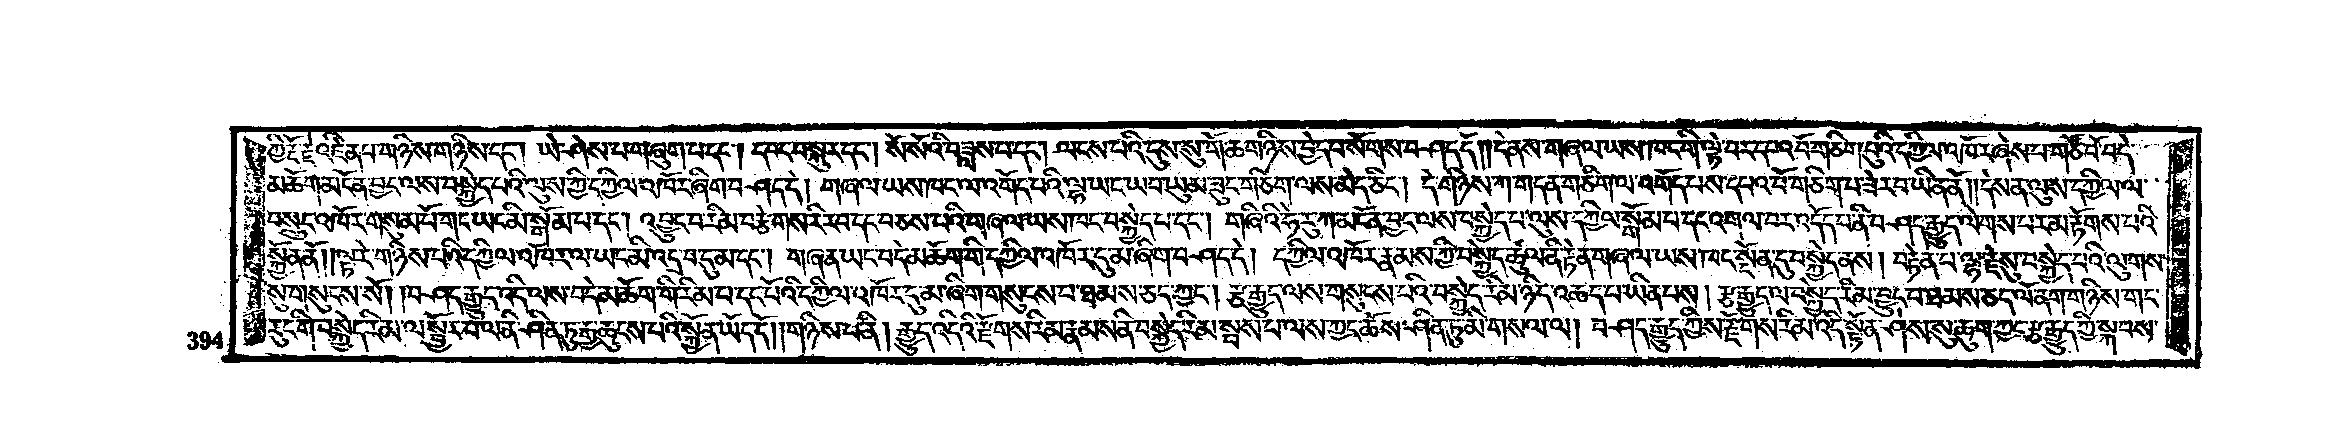ཀྱི་རྡོ་རྗེ་འཛིན་པ་གཉིས་གཉིས་དང་། ཡེ་ཤེས་པ་གཞུག་པ་དང་། དབང་བསྐུར་དང་། སོ་སོའི་བཟླས་པ་དང་། ལངས་པའི་དུས་སུ་གོ་ཆ་གཉིས་བྱེད་པ་སོགས་བཤད་དོ། །དེ་ནས་གཞལ་ཡས་ཁང་གི་ལྟེ་བར་དཔའ་བོ་གཅིག་པུའི་དཀྱིལ་འཁོར་ཞེས་པ་གཙོ་བོ་དེ་
མཆོག་མངོན་བྱང་ལས་བསྐྱེད་པའི་ལུས་ཀྱི་དཀྱིལ་འཁོར་ཞིག་བཤད་དེ། གཞལ་ཡས་ཁང་ལ་འགོད་པའི་ལྷ་ཡང་ཡབ་ཡུམ་ཟུང་གཅིག་ལས་མེད་ཅིང་། དེ་གཉིས་ཀ་གདན་གཅིག་ལ་འགོད་པས་དཔའ་བོ་གཅིག་པ་ཟེར་བ་ཡིན་ནོ། །དེས་ན་ལུས་དཀྱིལ་ལ་
བསྲུང་འཁོར་གསུམ་པོ་གང་ཡང་མི་སྒོམ་པ་དང་། འབྱུང་བ་རིམ་བརྩེགས་རི་རབ་དང་བཅས་པའི་གཞལ་ཡས་ཁང་བསྐྱེད་པ་དང་། གཞིའི་ཧེ་རུ་ཀ་མངོན་བྱང་ལས་བསྐྱེད་པ་ལུས་དཀྱིལ་སྒོམ་པ་དང་འགལ་བར་འདོད་པ་ནི་བཤད་རྒྱུད་ལེགས་པར་མ་རྟོགས་པའི་
སྐྱོན་ནོ། །ལྟ་རེ་གཉིས་པའི་དཀྱིལ་འཁོར་ལ་ཡང་མི་འདྲ་བ་དུ་མ་དང་། གཞན་ཡང་བདེ་མཆོག་གི་དཀྱིལ་འཁོར་དུ་མ་ཞིག་བཤད་དེ། དཀྱིལ་འཁོར་རྣམས་ཀྱི་བསྐྱེད་ཚུལ་ནི་རྟེན་གཞལ་ཡས་ཁང་སྔོན་དུ་བསྐྱེད་ནས། བརྟེན་པ་ལྷ་རྗེས་སུ་བསྐྱེད་པའི་ལུགས་
སུ་གསུངས་སོ། །བཤད་རྒྱུད་འདི་ལས་བདེ་མཆོག་གི་རིམ་པ་དང་པོའི་དཀྱིལ་འཁོར་དུ་མ་ཞིག་གསུངས་པ་ཐམས་ཅད་ཀྱང་། རྩ་རྒྱུད་ལས་གསུངས་པའི་བསྐྱེད་རིམ་ཉིད་འཆད་པ་ཡིན་པས། རྩ་རྒྱུད་ལ་བསྐྱེད་རིམ་བྱུང་བ་ཐམས་ཅད་ལོ་ནག་གཉིས་གང་
རུང་གི་བསྐྱེད་རིམ་ལ་སྦྱོར་བ་ལ་ནི་ཤིན་ཏུ་རྒྱ་ཆུངས་པའི་སྐྱོན་ཡོད་དོ། །གཉིས་པ་ནི། རྒྱུད་འདིའི་རྫོགས་རིམ་རྣམས་ནི་བསྐྱེད་རིམ་སྦས་པ་ལས་ཀྱང་ཆེས་ཤིན་ཏུ་མི་གསལ་ལ། བཤད་རྒྱུད་ཀྱིས་རྫོགས་རིམ་འདི་སྟོན་ཤེས་སུ་ཆུག་ཀྱང་རྩ་རྒྱུད་ཀྱི་སྐབས་